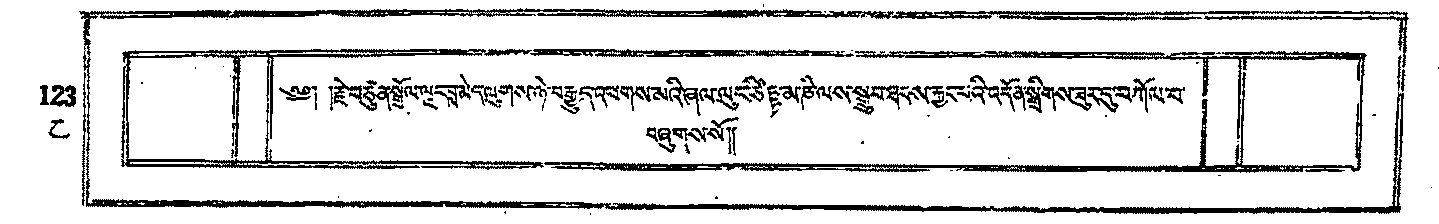༄༅། །རྗེ་བཙུན་སྒྲོལ་ལྗང་བླ་མེད་ལུགས་ཉེ་བརྒྱུད་འཕགས་མའི་ཞལ་ལུང་ཙིཏྟ་མ་ཎི་ལས་སྒྲུབ་ཐབས་རྐྱང་པའི་འདོན་སྒྲིགས་ཟུར་དུ་བཀོལ་བ་བཞུགས་སོ།།